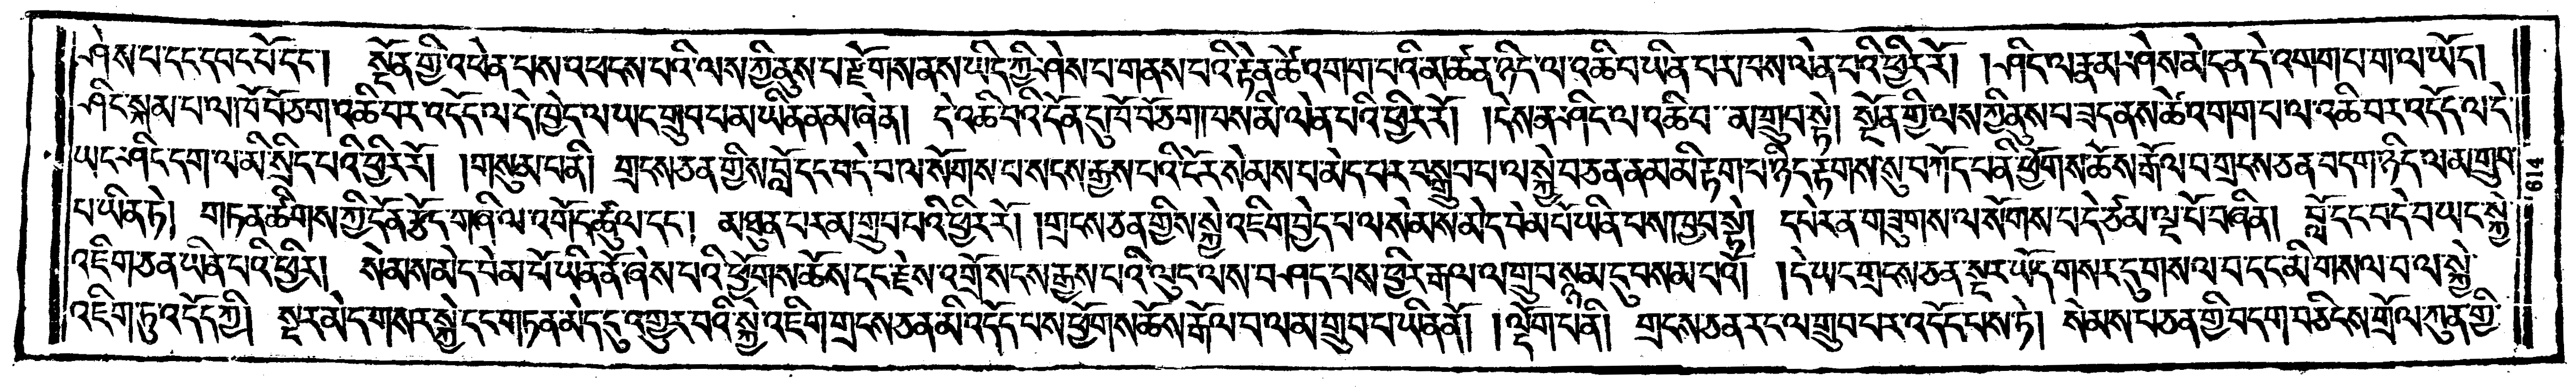ཤེས་པ་དང་དབང་པོ་དང་། སྔོན་གྱི་འཕེན་པས་འཕངས་པའི་ལས་ཀྱི་ནུས་པ་རྫོགས་ནས་ཡིད་ཀྱི་ཤེས་པ་གནས་པའི་རྟེན་ཚེ་འགག་པའི་མཚན་ཉིད་ལ་འཆི་བ་ཡིན་པར་ཁས་ལེན་པའི་ཕྱིར་རོ། །ཤིང་ལ་རྣམ་ཤེས་མེད་ན་དེ་འགག་པ་ག་ལ་ཡོད།
ཤིང་སྐམ་པ་ལ་ཁོ་བོ་ཅག་འཆི་བར་འདོད་ལ་དེ་ཁྱེད་ལ་ཡང་གྲུབ་པ་མ་ཡིན་ནམ་ཞེ་ན། དེ་འཆི་བའི་དོན་དུ་ཁོ་བོ་ཅག་ཁས་མི་ལེན་པའི་ཕྱིར་རོ། །དེས་ན་ཤིང་ལ་འཆི་བ་མ་གྲུབ་སྟེ། སྔོན་གྱི་ལས་ཀྱི་ནུས་པ་ཟད་ནས་ཚེ་འགག་པ་ལ་འཆི་བར་འདོད་ལ་དེ་
ཡང་ཤིང་དག་ལ་མི་སྲིད་པའི་ཕྱིར་རོ། །གསུམ་པ་ནི། གྲངས་ཅན་གྱིས་བློ་དང་བདེ་བ་ལ་སོགས་པ་སངས་རྒྱས་པའི་ངོར་སེམས་པ་མེད་པར་བསྒྲུབ་པ་ལ་སྐྱེ་བ་ཅན་ནམ་མི་རྟག་པ་ཉིད་རྟགས་སུ་བཀོད་པ་ནི་ཕྱོགས་ཆོས་རྒོལ་བ་གྲངས་ཅན་བདག་ཉིད་ལ་མ་གྲུབ་
པ་ཡིན་ཏེ། གཏན་ཚིགས་ཀྱི་དོན་རྩོད་གཞི་ལ་འགོད་ཚུལ་དང་། མཐུན་པར་མ་གྲུབ་པའི་ཕྱིར་རོ། །གྲངས་ཅན་གྱིས་སྐྱེ་འཇིག་བྱེད་པ་ལ་སེམས་མེད་བེམ་པོ་ཡིན་པས་ཁྱབ་སྟེ། དཔེར་ན་གཟུགས་ལ་སོགས་པ་དེ་ཙམ་ལྔ་པོ་བཞིན། བློ་དང་བདེ་བ་ཡང་སྐྱེ་
འཇིག་ཅན་ཡིན་པའི་ཕྱིར། སེམས་མེད་བེམ་པོ་ཡིན་ནོ་ཞེས་པའི་ཕྱོགས་ཆོས་དང་རྗེས་འགྲོ་སངས་རྒྱས་པའི་ལུང་ལས་བཤད་པས་ཕྱིར་རྒལ་ལ་གྲུབ་སྙམ་དུ་བསམ་པའོ། །དེ་ཡང་གྲངས་ཅན་སྔར་ཡོད་གསར་དུ་གསལ་བ་དང་མི་གསལ་བ་ལ་སྐྱེ་
འཇིག་ཏུ་འདོད་ཀྱི། སྔར་མེད་གསར་སྐྱེ་དང་གཏན་མེད་དུ་འགྱུར་བའི་སྐྱེ་འཇིག་གྲངས་ཅན་མི་འདོད་པས་ཕྱོགས་ཆོས་རྒོལ་བ་ལ་མ་གྲུབ་པ་ཡིན་ནོ། །ལྡོག་པ་ནི། གྲངས་ཅན་རང་ལ་གྲུབ་པར་འདོད་པས་ཏེ། སེམས་པ་ཅན་གྱི་བདག་བཅིངས་གྲོལ་ཀུན་གྱི་